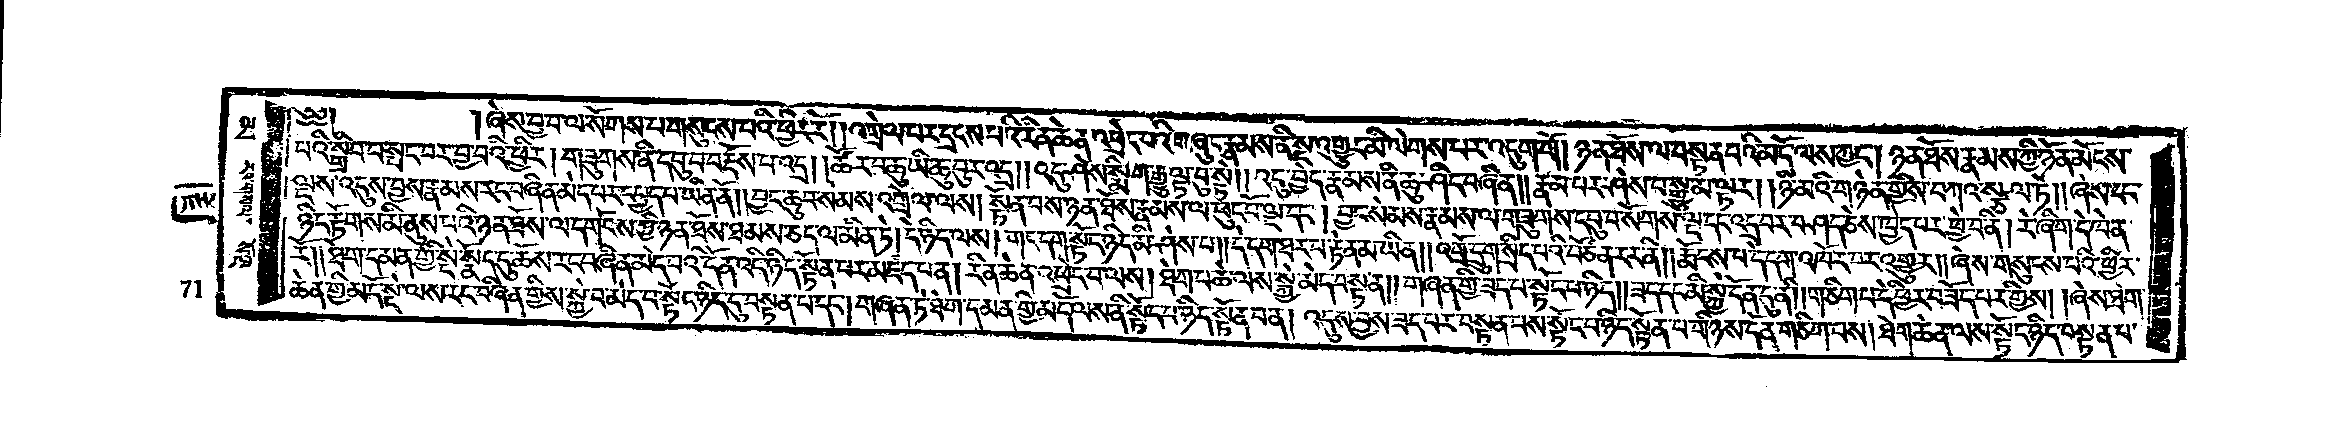༄༅། །ཞེས་བྱ་བ་ལ་སོགས་པ་གསུངས་པའི་ཕྱིར་རོ། །འགྲེལ་པར་དྲངས་པའི་རིན་ཆེན་འཕྲེང་བའི་གཞུང་རྣམས་ནི་སྔ་འགྱུར་མི་ལེགས་པར་འདུག་གོ །ཉན་ཐོས་ལ་བསྟན་པའི་མདོ་ལས་ཀྱང་། ཉན་ཐོས་རྣམས་ཀྱི་ཉོན་མོངས་
པའི་སྒྲིབ་པ་སྤང་བར་བྱ་བའི་ཕྱིར། གཟུགས་ནི་དབུ་བ་བརྡོས་པ་འདྲ། །ཚོར་བ་ཆུ་ཡི་ཆུ་བུར་འདྲ། །འདུ་ཤེས་སྨིག་རྒྱུ་ལྟ་བུ་སྟེ། །འདུ་བྱེད་རྣམས་ནི་ཆུ་ཤིང་བཞིན། །རྣམ་པར་ཤེས་པ་སྒྱུ་མ་ལྟར། །ཉི་མའི་གཉེན་གྱིས་བཀའ་སྩལ་ཏེ། །ཞེས་དཔེ་
ལྔས་འདུས་བྱས་རྣམས་རང་བཞིན་མེད་པར་དཔྱད་པ་ཡིན་ནོ། །བྱང་ཆུབ་སེམས་འགྲེལ་ལས། སྟོན་པས་ཉན་ཐོས་རྣམས་ལ་ཕུང་པོ་ལྔ་དང་། བྱང་སེམས་རྣམས་ལ་གཟུགས་དབུ་བ་སོགས་ལྔ་དང་འདྲ་བར་བཤད་ཅེས་ཁྱད་པར་ཕྱེ་བ་ནི། རེ་ཞིག་དེ་ཁོ་ན་
ཉིད་རྟོགས་མི་ནུས་པའི་ཉན་ཐོས་ལ་དགོངས་ཀྱི་ཉན་ཐོས་ཐམས་ཅད་ལ་མིན་ཏེ། དེ་ཉིད་ལས། གང་དག་སྟོང་ཉིད་མི་ཤེས་པ། །དེ་དག་ཐར་པ་རྟེན་མ་ཡིན། །འགྲོ་དྲུག་སྲིད་པའི་བཙོན་རར་ནི། །རྨོངས་པ་དེ་དག་འཁོར་བར་འགྱུར། །ཞེས་གསུངས་པའི་ཕྱིར་
རོ། །ཐེག་དམན་གྱི་སྡེ་སྣོད་དུ་ཆོས་རང་བཞིན་མེད་པའི་དོན་འདི་ཉིད་སྟོན་པར་མཛད་པ་ན། རིན་ཆེན་འཕྲེང་བ་ལས། ཐེག་པ་ཆེ་ལས་སྐྱེ་མེད་བསྟན། །གཞན་གྱི་ཟད་པ་སྟོང་པ་ཉིད། །ཟད་དང་མི་སྐྱེ་དོན་དུ་ནི། །གཅིག་པ་དེ་ཕྱིར་བཟོད་པར་གྱིས། །ཞེས་ཐེག་
ཆེན་གྱི་མདོ་སྡེ་ལས་རང་བཞིན་གྱིས་སྐྱེ་བ་མེད་པ་སྟོང་ཉིད་དུ་བསྟན་པ་དང་། གཞན་ཏེ་ཐེག་དམན་གྱི་མདོ་ལས་ནི་སྟོང་པ་ཉིད་སྟོན་པ་ན། འདུས་བྱས་ཟད་པར་བསྟན་པས་སྟོང་པ་ཉིད་སྟོན་པ་གཉིས་དོན་གཅིག་པས། ཐེག་ཆེན་ལས་སྟོང་ཉིད་བསྟན་པ་